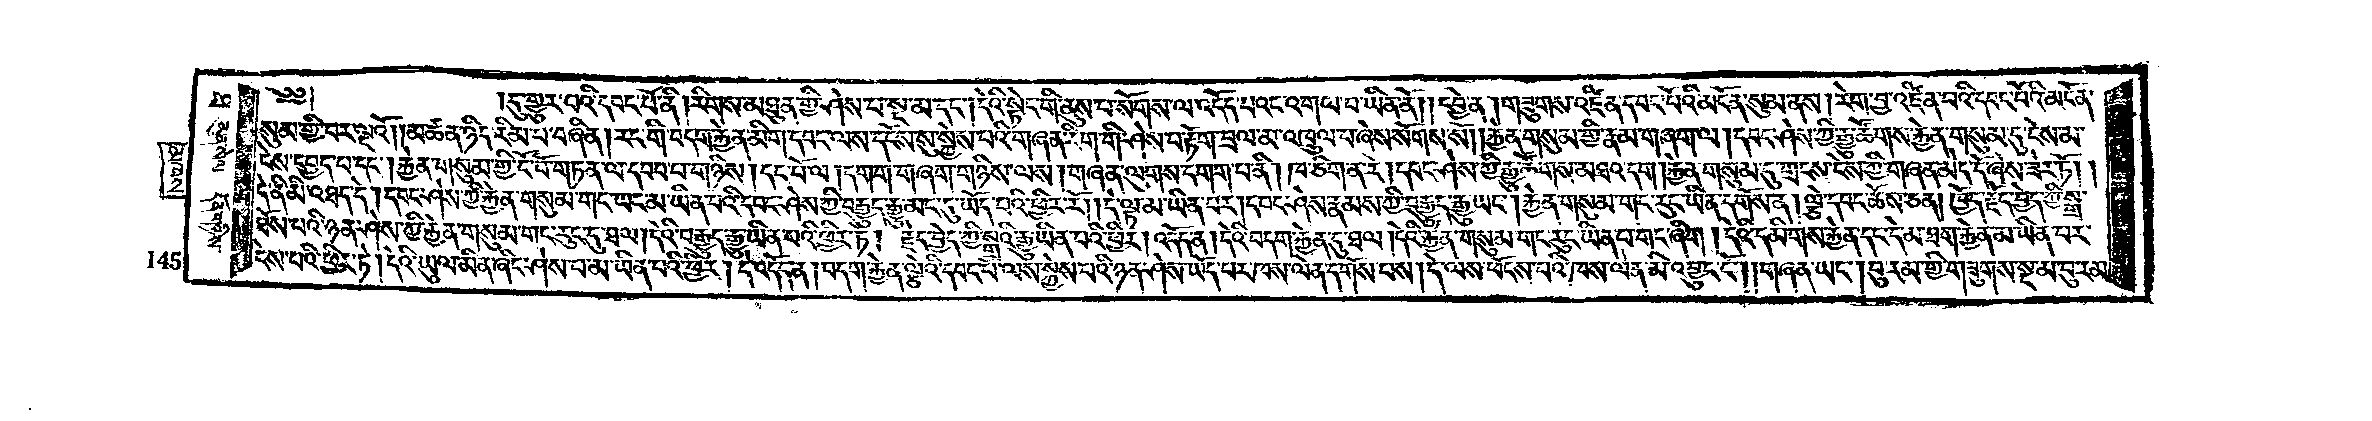༄༅། །དུ་གྱུར་པའི་དབང་པོ་ནི། རིགས་མཐུན་གྱི་ཤེས་པ་སྔ་མ་དང་། དེའི་སྟེང་གི་ནུས་པ་སོགས་ལ་འདོད་པའང་འགལ་བ་ཡིན་ནོ། །དབྱེ་ན། གཟུགས་འཛིན་དབང་པོའི་མངོན་སུམ་ནས། རེག་བྱ་འཛིན་པའི་དབང་པོའི་མངོན་
སུམ་གྱི་བར་ལྔའོ། །མཚན་ཉིད་རིམ་པ་བཞིན། རང་གི་བདག་རྐྱེན་མིག་དབང་ལས་དངོས་སུ་སྐྱེས་པའི་གཞན་རིག་གི་ཤེས་པ་རྟོག་བྲལ་མ་འཁྲུལ་པ་ཞེས་སོགས་སོ། །རྐྱེན་གསུམ་གྱི་རྣམ་གཞག་ལ། དབང་ཤེས་ཀྱི་རྒྱུ་ཚོགས་རྐྱེན་གསུམ་དུ་ངེས་མ་
ངེས་དཔྱད་པ་དང་། རྐྱེན་གསུམ་གྱི་ངོ་བོ་གཏན་ལ་དབབ་པ་གཉིས། དང་པོ་ལ། དགག་གཞག་གཉིས་ལས། གཞན་ལུགས་དགག་པ་ནི། ཁ་ཅིག་ན་རེ། དབང་ཤེས་ཀྱི་རྒྱུ་ཚོགས་མཐའ་དག །རྐྱེན་གསུམ་དུ་གྲངས་ངེས་ཀྱི་གཞན་མེད་དོ་ཞེས་ཟེར་ཏོ། །
དེ་ནི་མི་འཐད་དེ། དབང་ཤེས་ཀྱི་རྐྱེན་གསུམ་གང་ཡང་མ་ཡིན་པའི་དབང་ཤེས་ཀྱི་བརྒྱུད་རྒྱུ་མང་དུ་ཡོད་པའི་ཕྱིར་རོ། །དེ་ལྟ་མ་ཡིན་པར། དབང་ཤེས་རྣམས་ཀྱི་བརྒྱུད་རྒྱུ་ཡང་། རྐྱེན་གསུམ་གང་རུང་ཡིན་དགོས་ན། ལྕེ་དབང་ཆོས་ཅན། ཁྱོད་རྗོད་བྱེད་ཀྱི་སྒྲ་
ཐོས་པའི་ཉན་ཤེས་ཀྱི་རྐྱེན་གསུམ་གང་རུང་དུ་ཐལ། དེའི་བརྒྱུད་རྒྱུ་ཡིན་པའི་ཕྱིར་ཏེ། རྗོད་བྱེད་ཀྱི་སྒྲའི་རྒྱུ་ཡིན་པའི་ཕྱིར། འདོད་ན། དེའི་བདག་རྐྱེན་དུ་ཐལ། དེའི་རྐྱེན་གསུམ་གང་རུང་ཡིན་པ་གང་ཞིག །དེའི་དམིགས་རྐྱེན་དང་དེ་མ་ཐག་རྐྱེན་མ་ཡིན་པར་
ངེས་པའི་ཕྱིར་ཏེ། དེའི་ཡུལ་མིན་ཞིང་ཤེས་པ་མ་ཡིན་པའི་ཕྱིར། དེ་འདོད་ན། བདག་རྐྱེན་ལྕེའི་དབང་པོ་ལས་སྐྱེས་པའི་ཉན་ཤེས་ཡོད་པར་ཁས་ལེན་དགོས་པས། དེ་ལས་ཕོངས་པའི་ཁས་ལེན་མི་འབྱུང་ངོ། །གཞན་ཡང་། བུ་རམ་གྱི་གཟུགས་སྔ་མ་བུ་རམ་